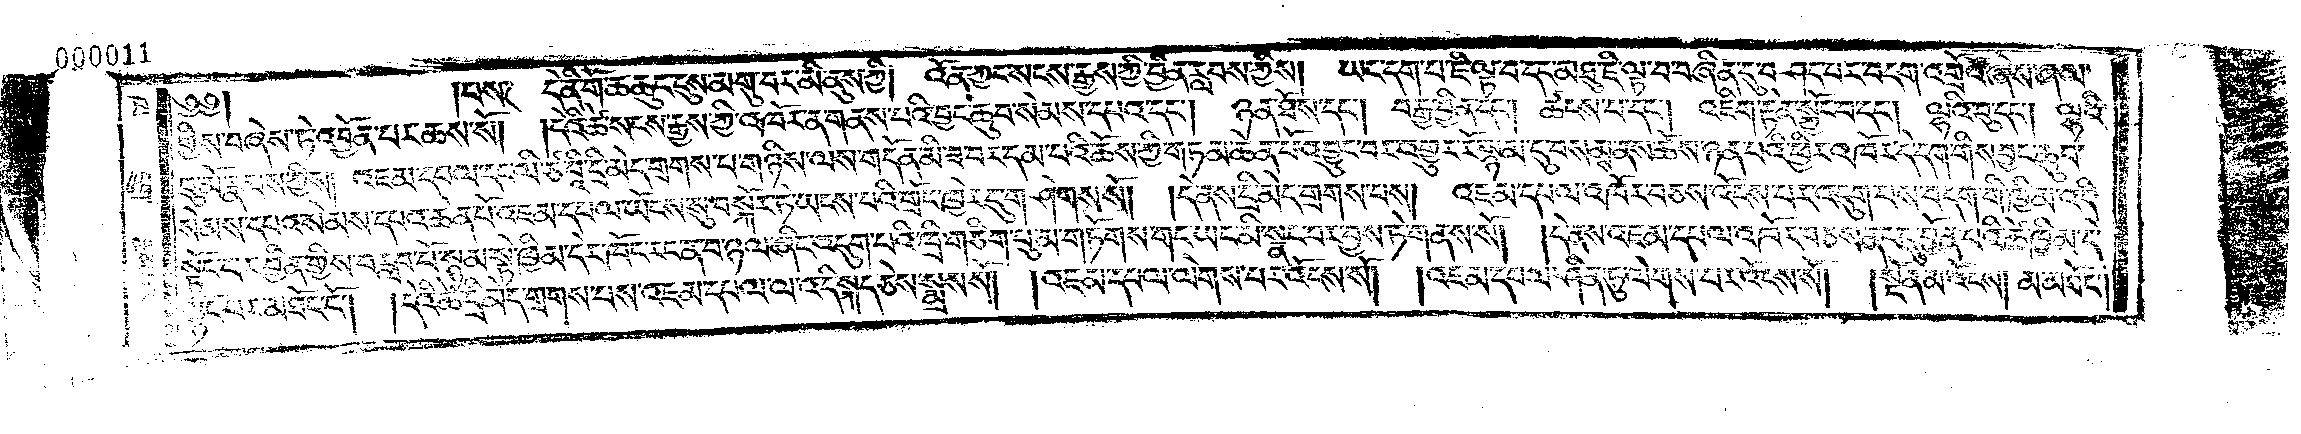༄༅། །པས༑ དེ་ནི་གོ་ཆ་ཆུང་དུས་མགུ་བར་མི་ནུས་ཀྱི། འོན་ཀྱང་སངས་རྒྱས་ཀྱི་བྱིན་རླབས་ཀྱིས། ཡང་དག་པ་ཇི་ལྟ་བ་དང་མཐུ་ཇི་ལྟ་བ་བཞིན་དུ་བཤད་པར་བདག་འགྲོའོ་ཞེས་ཞལ་
གྱིས་བཞེས་ཏེ་འབྱོན་པར་ཆས་སོ། །དེའི་ཚེ་སངས་རྒྱས་ཀྱི་འཁོར་ན་གནས་པའི་བྱང་ཆུབ་སེམས་དཔའ་དང་། ཉན་ཐོས་དང་། བརྒྱ་བྱིན་དང་། ཚངས་པ་དང་། འཇིག་རྟེན་སྐྱོང་བ་དང་། ལྷའི་བུ་དང་། ལྷའི་
བུ་མོ་རྣམས་ཀྱིས། འཇམ་དཔལ་དང་ལི་ཙ་བཱི་དྲི་མེད་གྲགས་པ་གཉིས་ལས་གདོན་མི་ཟ་བར་དམ་པའི་ཆོས་ཀྱི་གཏམ་ཆེན་པོ་འབྱུང་བར་འགྱུར་རོ་སྙམ་དུ་བསམས་ནས་ཆོས་ཉན་པའི་ཕྱིར་འཁོར་དེ་དག་གིས་བྱང་ཆུབ་
སེམས་དཔའ་སེམས་དཔའ་ཆེན་པོ་འཇམ་དཔལ་ཡོངས་སུ་བསྐོར་ཏེ་ཡངས་པའི་གྲོང་ཁྱེར་དུ་གཤེགས་སོ། །དེ་ནས་དྲི་མེད་གྲགས་པས། འཇམ་དཔལ་འཁོར་བཅས་འོངས་པར་འདུག་པས་བདག་གི་ཁྱིམ་འདི་
སྟོང་པར་བྱིན་གྱིས་བརླབ་པོ་སྙམ་སྟེ་ཁྱིམ་དེར་ཁོང་རང་ན་བ་ཉལ་ཞིང་འདུག་པའི་ཁྲི་གཅིག་པུ་མ་གཏོགས་གང་ཡང་མི་སྣང་བར་བྱས་ཏེ་གནས་སོ། །དེ་ནས་འཇམ་དཔལ་འཁོར་བཅས་ནང་དུ་བྱོན་པའི་ཚེ་ཁྱིམ་དེ་
སྟོང་པར་མཐོང་ངོ། །དེའི་ཚེ་དྲི་མེད་གྲགས་པས་འཇམ་དཔལ་ལ་འདི་སྐད་ཅེས་སྨྲས་སོ། །འཇམ་དཔལ་ལེགས་པར་འོངས་སོ། །འཇམ་དཔལ་ཤིན་ཏུ་ལེགས་པར་འོངས་སོ། །སྔོན་མ་འོངས། མ་མཐོང་།